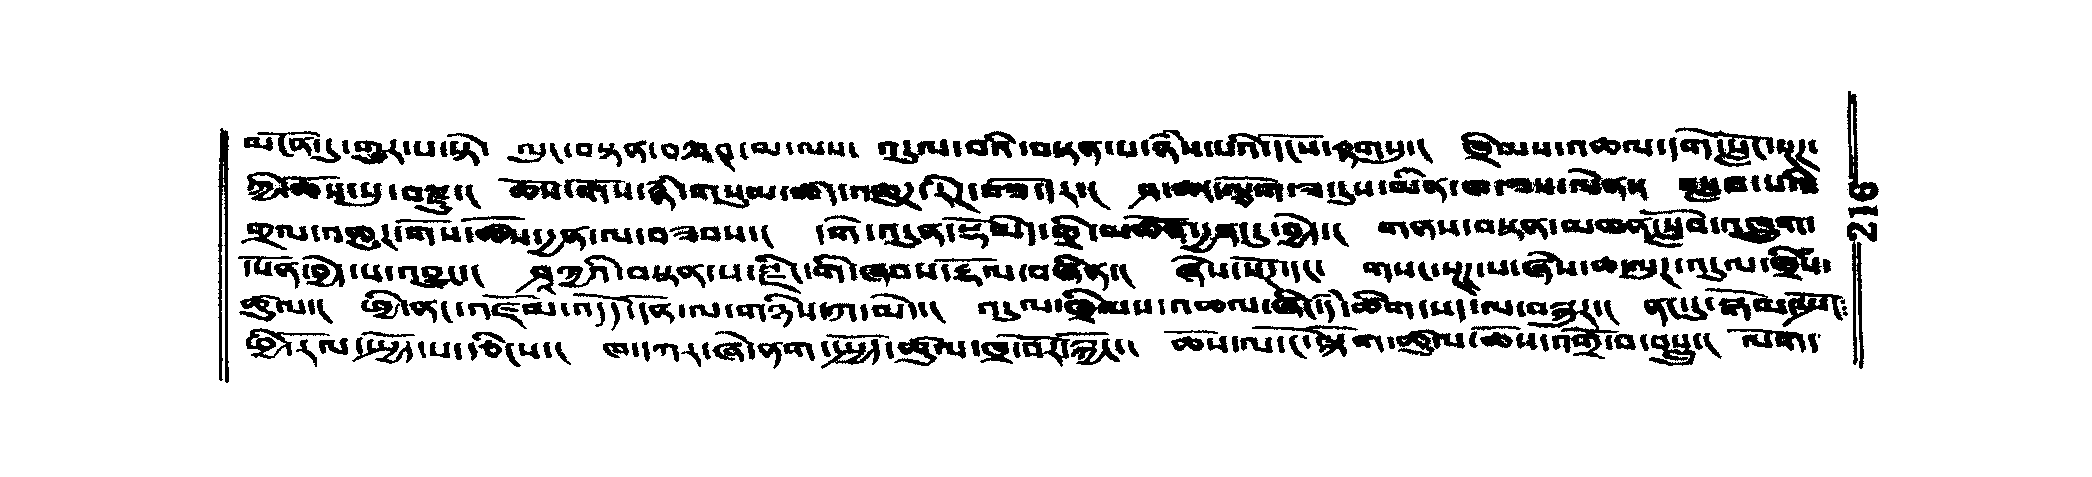མངོན་དུ་གྱུར་པ་སྟེ། ལུང་བསྟན་བཀའ་རྒྱ་མ་ལས། འདུལ་བའི་བསྟན་པ་ཉམས་པའི་དངོས་རྟགས་སུ། །ཁྲིམས་འཆལ་དགེ་སློང་སྔགས་
ཀྱི་ཆོས་སུ་བརྫུ། །ཆོས་གོས་རྣམ་གསུམ་ཚད་འཆུགས་རིག་བཟོ་དར། །ཤ་ཆང་ལྐོག་ཟ་དུས་མིན་ཁ་ཟས་ལེན། །བསླབ་པའི་
གྲལ་འཆུགས་གོས་ཚོས་རྒྱན་ལ་བཟབས། །དགེ་འདུན་སྡོམ་མེད་གྲི་མཚོན་རྒྱན་དུ་བྱེད། །གནས་བསྟན་མཁན་སློབ་འཁྲུག་
དཔོན་བྱེད་པ་འབྱུང་། །ཤཱཀྱའི་བསྟན་པ་རྫིང་གི་ཞབས་རྡོལ་བཞིན། ཞེས་སོགས་དང་། གསང་སྔགས་པ་ཞེས་ཆ་ལུགས་འདུལ་ཁྲིམས་
ཚུལ། །ཕྱི་ནང་འཛོམ་འདོད་དོན་ལ་གཉིས་ཀ་མེད། །འདུལ་ཁྲིམས་འཆལ་ཞིང་དམ་ཚིག་སད་ལ་བསྐུར། །ནང་དུ་སྒོམ་སྤོང་
ཕྱི་རོལ་སྤྱོད་པ་རྩིངས། །ཁ་དཀར་ཞེ་ནག་སྤྱོད་ཚུལ་ཁྲ་བོར་སྐྱོང་། །ཆོས་ལ་ངོ་ལྐོག་ཚུལ་ཆོས་འགྲོ་བ་བསླུ། །ལོག་